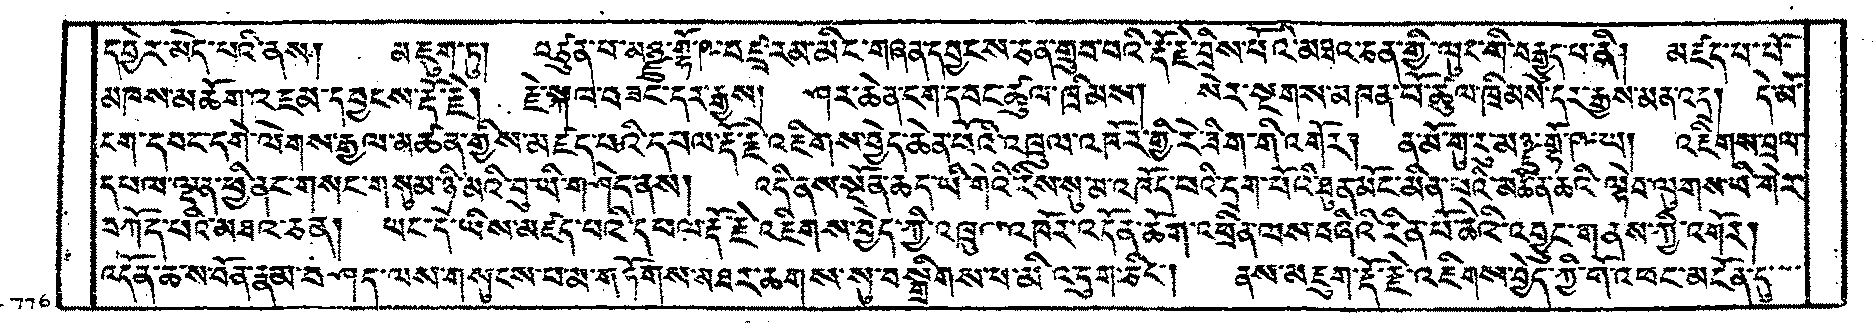དབྱེར་མེད་པའི་ནས། མཇུག་ཏུ། བཙུན་པ་མཉྫུ་གྷོ་ཥ་བཛྲ་རམ་མིང་གཞན་དབྱངས་ཅན་གྲུབ་པའི་རྡོ་རྗེ་བྲིས་པོའི་མཐའ་ཅན་གྱི་ལུང་གི་བརྒྱུད་པ་ནི། མཛད་པ་པོ་
མཁས་མཆོག་འཇམ་དབྱངས་རྡོ་རྗེ། རྗེ་སྐལ་བཟང་དར་རྒྱས། ཤར་ཆེན་ངག་དབང་ཚུལ་ཁྲིམས། སེར་སྔགས་མཁན་པོ་ཚུལ་ཁྲིམས་དར་རྒྱས་མན་འདྲ། དེ་མོ་
ངག་དབང་དགེ་ལེགས་རྒྱལ་མཚན་གྱིས་མཛད་པའི་དཔལ་རྡོ་རྗེ་འཇིགས་བྱེད་ཆེན་པོའི་འཁྲུལ་འཁོར་གྱི་རེ་ཟིག་གི་འགོར། ན་མོ་གུ་རུ་མཉྫུ་གྷོ་ཥ་ཡ། འཇིགས་བྲལ་
དཔལ་ལྡན་ཕྱི་ནང་གསང་གསུམ་ཉི་མའི་བུ་ཡི་གཤེད་ནས། འདི་ནས་སྔོན་ཆད་ཡི་གེའི་རིས་སུ་མ་འཁོད་པའི་དྲག་པོའི་ཐུན་མོང་མིན་པའི་མཚོན་ཆའི་ལྟེ་བ་ལུགས་ཡི་གེར་
བཀོད་པའི་མཐའ་ཅན། ཡང་དེ་ཡིས་མཛད་པའི་དཔལ་རྡོ་རྗེ་འཇིགས་བྱེད་ཀྱི་འཁྲུལ་འཁོར་འདོན་ཆོག་འཕྲིན་ལས་བཞིའི་རིན་པོ་ཆེའི་འབྱུང་གནས་ཀྱི་འགོར།
འདོན་ཆ་ས་བོན་རྣམ་བཤད་ལས་གསུངས་པ་མ་གཏོགས་མཐར་ཆགས་སུ་བསྒྲིགས་པ་མི་འདུག་ཅིང་། ནས་མཇུག་རྡོ་རྗེ་འཇིགས་བྱེད་ཀྱི་གོ་འཕང་མངོན་དུ་